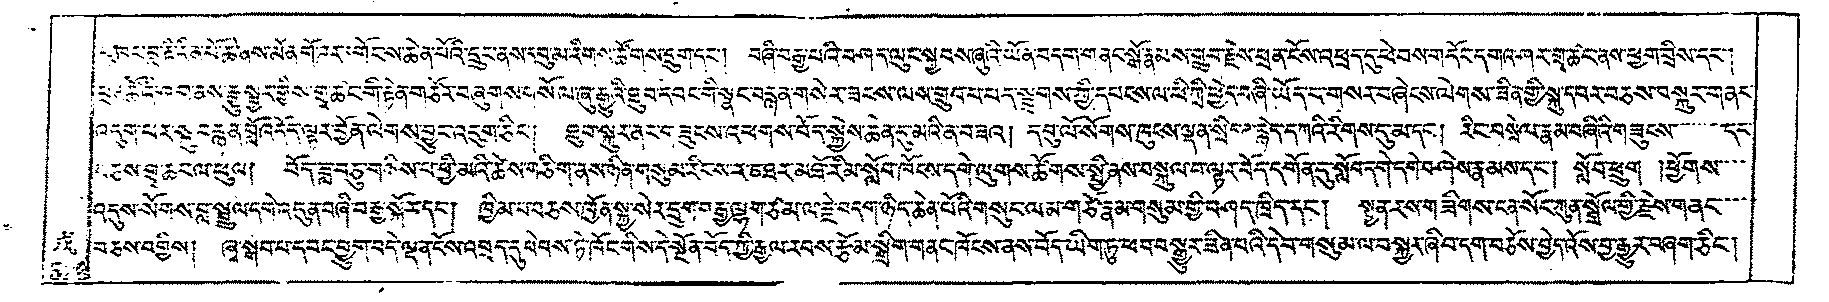ཕུ་ཁང་བླ་རྟི་རིན་པོ་ཆེ་ནས་མོན་གོ་ཌར་༧གོང་ས་ཆེན་པོའི་དྲུང་ནས་དབུ་མ་རིགས་ཚོགས་དྲུག་དང་། བཞི་བརྒྱ་པའི་བཤད་ལུང་སྐྱབས་ཞུའི་ཡོན་བདག་གནང་སྒོ་རྣམས་གྲུབ་རྗེས་ཕྲན་ངོས་འཕྲད་དུ་ཕེབས་གདོང་དགའ་ཤར་གྲྭ་ཚང་ནས་ཕྱག་བྲིས་དང་།
ཕྲན་ཚོའི་ཤག་ནས་རྒྱུ་སྦྱར་གྱིས་གྲྭ་ཚང་གི་རྟེན་གཙོར་བཞུགས་གསོལ་ཞུ་རྒྱུའི་ཐུབ་དབང་གི་སྣང་བརྙན་གསེར་ཟངས་ལས་གྲུབ་པ་པད་སྦྲགས་ཀྱི་དཔངས་ལ་ཕི་ཀྲི་ཕྱེད་བཞི་ཡོད་པ་གསར་བཞེངས་ལེགས་ཟིན་གྱི་སྐུ་དཔར་བཅས་བསྐུར་གནང་
འདུག་པར་སྐུ་བརྙན་བློ་འདོད་ལྟར་བྱོན་ལེགས་བྱུང་འདུག་ཅིང་། ཐུབ་སྐུར་ནང་གཟུངས་འཕགས་བོད་སྐྱེས་ཆེན་དུ་མའི་ན་བཟའ། དབུ་ལོ་སོགས་ཁུངས་ལྡན་སྲིད་ཌ་རྙེད་དཀའི་རིགས་དུ་མ་དང་། རིང་བསྲེལ་རྣམ་བཞིའི་གཟུངས་དང་
བཅས་གྲྭ་ཚང་ལ་ཕུལ། བོད་ཟླ་བཅུ་གཉིས་པ་ཕྱི་མའི་ཚེས་གཅིག་ནས་ཉིན་གསུམ་རིང་ས་ར་ཎ་ཐར་མཐོ་རིམ་སློབ་ཁོངས་དགེ་ལུགས་ཚོགས་སྤྱི་ནས་བསྐུལ་བ་ལྟར་བོད་དགོན་དུ་སློབ་དགེ་དགེ་བཤེས་རྣམས་དང་། སློབ་ཕྲུག །ཕྱོགས་
འདུས་སོགས་བླ་སྤྲུལ་དགེ་འདུན་བཞི་བརྒྱ་སྐོར་དང་། ཁྱིམ་པ་བཅས་ཁྱོན་སྐྱ་སེར་དྲུག་བརྒྱ་ལྷག་ཙམ་ལ་རྗེ་བདག་ཉིད་ཆེན་པོའི་གསུང་ལམ་གཙོ་རྣམ་གསུམ་གྱི་བཤད་ཁྲིད་དང་། སྤྱན་རས་གཟིགས་ངན་སོང་ཀུན་སྒྲོལ་གྱི་རྗེས་གནང་
བཅས་བགྱིས། ཞྭ་སྒབ་པ་དབང་ཕྱུག་བདེ་ལྡན་ངོས་འཕྲད་དུ་ཕེབས་ཏེ་ཁོང་གིས་དེ་སྔོན་བོད་ཀྱི་རྒྱལ་རབས་རྩོམ་སྒྲིག་གནང་ཁོངས་ནས་བོད་ཡིག་ཏུ་ཕབ་བསྒྱུར་ཟིན་པའི་དེབ་གསུམ་ལ་བསྐྱར་ཞིབ་དག་བཅོས་བྱེད་འོས་བྱ་རྒྱུར་བཞག་ཅིང་།